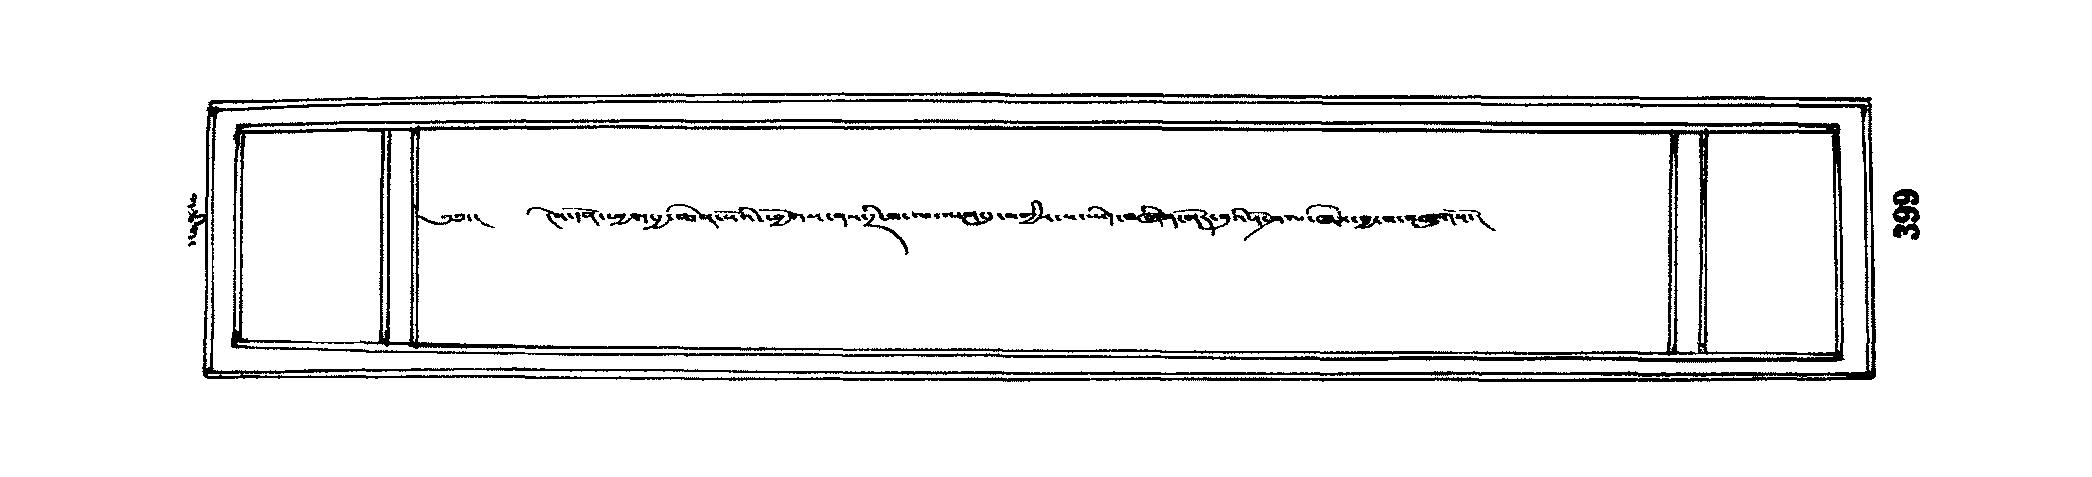༄༅། ངེས་དོན་ཕྱག་རྒྱ་ཆེན་པོའི་ཕྱོགས་ནས་དྲི་བ་ལ་ལན་དུ་བགྱིས་པ་ཡིད་བཞིན་ནོར་བུའི་དོ་ཤལ་ཞེས་བྱ་བ་བཞུགས་སོ།